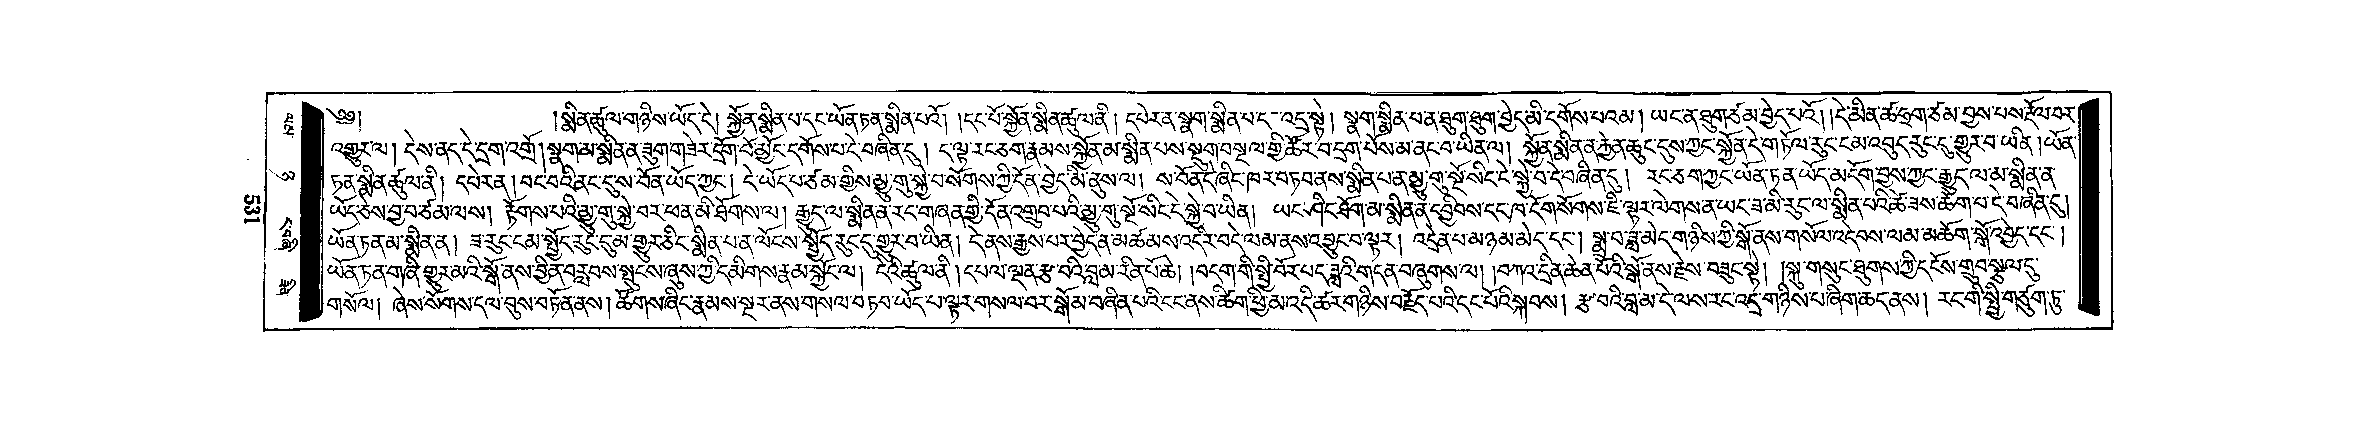༄༅། །སྨིན་ཚུལ་གཉིས་ཡོད་དེ། སྐྱོན་སྨིན་པ་དང་ཡོན་ཏན་སྨིན་པའོ། །དང་པོ་སྐྱོན་སྨིན་ཚུལ་ནི། དཔེར་ན་སྣག་སྨིན་པ་དང་འདྲ་སྟེ། སྣག་སྨིན་པ་ན་ཐུག་ཐུག་བྱེད་མི་དགོས་པའམ། ཡང་ན་ཐུག་ཙམ་བྱེད་པའོ། །དེ་མིན་ཚ་ཧྲག་ཙམ་བྱས་པས་རྡོལ་བར་
འགྱུར་ལ། དེས་ནད་དེ་དྲག་འགྲོ་།སྣག་མ་སྨིན་ན་ཟུག་གཟེར་དྲོག་པོ་མྱོང་དགོས་པ་དེ་བཞིན་དུ། ད་ལྟ་རང་ཅག་རྣམས་སྐྱོན་མ་སྨིན་པས་སྡུག་བསྔལ་གྱི་ཚོར་བ་དྲག་པོས་མ་ནང་བ་ཡིན་ལ། སྐྱོན་སྨིན་ན་རྐྱེན་ཆུང་དུས་ཀྱང་སྐྱོན་དེ་གཏོལ་རུང་ངམ་འབུད་རུང་དུ་གྱུར་བ་ཡིན། ཡོན་
ཏན་སྨིན་ཚུལ་ནི། དཔེར་ན། བང་བའི་ནང་དུ་ས་བོན་ཡོད་ཀྱང་། དེ་ཡོད་པ་ཙམ་གྱིས་མྱུ་གུ་སྐྱེ་བ་སོགས་ཀྱི་དོན་བྱེད་མི་ནུས་ལ། ས་བོན་དེ་ཞིང་ཁར་བཏབ་ནས་སྨིན་པ་ན་མྱུ་གུ་སྔོ་སིང་དེ་སྐྱེ་བ་དེ་བཞིན་དུ། རང་ཅག་ཀྱང་ཡོན་ཏན་ཡོད་མདོག་བྱས་ཀྱང་རྒྱུད་ལ་མ་སྨིན་ན་
ཡོད་ཅེས་བྱ་བ་ཙམ་ལས། རྟོགས་པའི་མྱུ་གུ་སྐྱེ་བར་ཕན་མི་ཐོགས་ལ། རྒྱུད་ལ་སྨིན་ན་རང་གཞན་གྱི་དོན་འགྲུབ་པའི་མྱུ་གུ་སྔོ་སིང་དེ་སྐྱེ་བ་ཡིན། ཡང་ཤིང་ཐོག་མ་སྨིན་ན་དབྱིབས་དང་ཁ་དོག་སོགས་ཇི་ལྟར་ལེགས་ན་ཡང་ཟ་མི་རུང་ལ་སྨིན་པའི་ཚེ་ཟས་ཆོག་པ་དེ་བཞིན་དུ།
ཡོན་ཏན་མ་སྨིན་ན། ཟ་རུང་ངམ་སྤྱོད་རུང་དུ་མ་གྱུར་ཅིང་སྨིན་པ་ན་ལོངས་སྤྱོད་རུང་དུ་གྱུར་བ་ཡིན། དེ་ནས་རྒྱས་པར་བྱེད་ན་མཚམས་འདིར་བདེ་ལམ་ནས་འབྱུང་བ་ལྟར། འདྲེན་པ་མཉམ་མེད་དང་། སྨྲ་བ་ཟླ་མེད་གཉིས་ཀྱི་སྒོ་ནས་གསོལ་འདེབས་ལམ་མཆོག་སྒོ་འབྱེད་དང་།
ཡོན་ཏན་གཞི་གྱུར་མའི་སྒོ་ནས་བྱིན་བརླབས་སྤུངས་ཞུས་ཀྱི་དམིགས་རྣམ་སྐྱོང་ལ། དེའི་ཚུལ་ནི། དཔལ་ལྡན་རྩ་བའི་བླ་མ་རིན་པོ་ཆེ། །བདག་གི་སྤྱི་བོར་པད་ཟླའི་གདན་བཞུགས་ལ། །བཀའ་དྲིན་ཆེན་པོའི་སྒོ་ནས་རྗེས་བཟུང་སྟེ། །སྐུ་གསུང་ཐུགས་ཀྱི་དངོས་གྲུབ་སྩལ་དུ་
གསོལ། ཞེས་སོགས་དལ་བུས་བཏོན་ནས། ཚོགས་ཞིང་རྣམས་སྔར་ནས་གསལ་བཏབ་ཡོད་པ་ལྟར་གསལ་བར་སྒོམ་བཞིན་པའི་ངང་ནས་ཚིག་ཕྱི་མ་འདི་ཚར་གཉིས་བརྗོད་པའི་དང་པོའི་སྐབས། རྩ་བའི་བླ་མ་དེ་ལས་རང་འདྲ་གཉིས་པ་ཞིག་ཆད་ནས། རང་གི་སྤྱི་གཙུག་ཏུ་